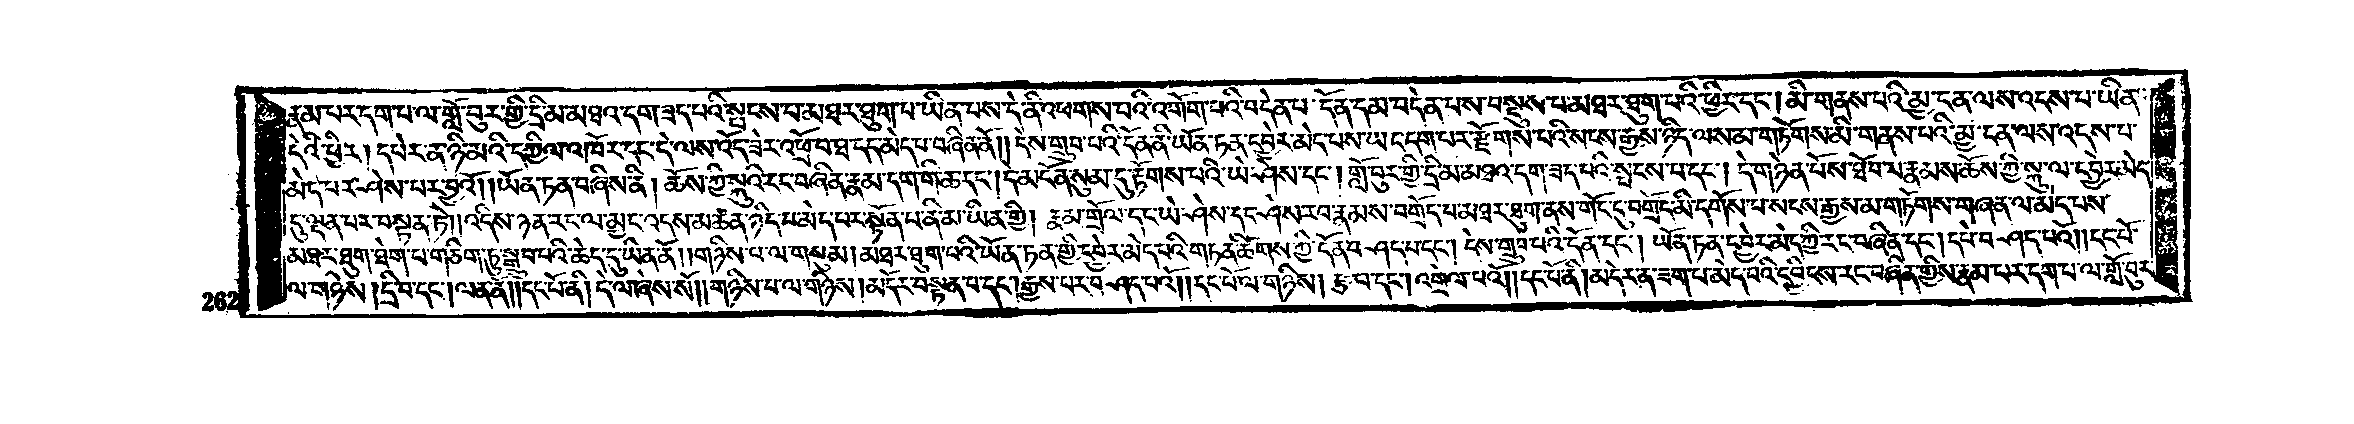རྣམ་པར་དག་པ་ལ་གློ་བུར་གྱི་དྲི་མ་མཐའ་དག་ཟད་པའི་སྤངས་པ་མཐར་ཐུག་པ་ཡིན་པས་དེ་ནི་འཕགས་པའི་འགོག་པའི་བདེན་པ་དོན་དམ་བདེན་པས་བསྡུས་པ་མཐར་ཐུག་པའི་ཕྱིར་དང་། མི་གནས་པའི་མྱ་ངན་ལས་འདས་པ་ཡིན་
དེའི་ཕྱིར། དཔེར་ན་ཉི་མའི་དཀྱིལ་འཁོར་དང་དེ་ལས་འོད་ཟེར་འཕྲོ་བ་ཐ་དད་མེད་བཞིན་ནོ། །དེས་གྲུབ་པའི་དོན་ནི་ཡོན་ཏན་དབྱེར་མེད་པས་ཡང་དག་པར་རྫོགས་པའི་སངས་རྒྱས་ཉིད་ལས་མ་གཏོགས་མི་གནས་པའི་མྱ་ངན་ལས་འདས་པ་
མེད་པར་ཤེས་པར་བྱའོ། །ཡོན་ཏན་བཞིས་ནི། ཆོས་ཀྱི་སྐུའི་རང་བཞིན་རྣམ་དག་གི་ཆ་དང་། དེ་མངོན་སུམ་དུ་རྟོགས་པའི་ཡེ་ཤེས་དང་། གློ་བུར་གྱི་དྲི་མ་མཐའ་དག་ཟད་པའི་སྤངས་པ་དང་། དེ་གཉེན་པོས་ཐོབ་པ་རྣམས་ཆོས་ཀྱི་སྐུ་ལ་དབྱེར་མེད་
དུ་ལྡན་པར་བསྟན་ཏེ། འདིས་ཉན་རང་ལ་མྱང་འདས་མཚན་ཉིད་པ་མེད་པར་སྟོན་པ་ནི་མ་ཡིན་གྱི་།རྣམ་གྲོལ་དང་ཡེ་ཤེས་དང་ཤེས་རབ་རྣམས་བགྲོད་པ་མཐར་ཐུག་ནས་གོང་དུ་བགྲོད་མི་དགོས་པ་སངས་རྒྱས་མ་གཏོགས་གཞན་ལ་མེད་པས་
མཐར་ཐུག་ཐེག་པ་གཅིག་ཏུ་སྒྲུབ་པའི་ཆེད་དུ་ཡིན་ནོ། །གཉིས་པ་ལ་གསུམ། མཐར་ཐུག་པའི་ཡོན་ཏན་གྱི་དབྱེར་མེད་པའི་གཏན་ཚིགས་ཀྱི་དོན་བཤད་པ་དང་། དེས་གྲུབ་པའི་དོན་དང་། ཡོན་ཏན་དབྱེར་མེད་ཀྱི་རང་བཞིན་དང་། དཔེ་བཤད་པའོ། །དང་པོ་
ལ་གཉིས། དྲི་བ་དང་། ལན་ནོ། །དང་པོ་ནི། དེ་ལ་ཞེས་སོ། །གཉིས་པ་ལ་གཉིས། མདོར་བསྟན་པ་དང་། རྒྱས་པར་བཤད་པའོ། །དང་པོ་ལ་གཉིས། རྩ་བ་དང་། འགྲེལ་པའོ། །དང་པོ་ནི། མདོར་ན་ཟག་པ་མེད་པའི་དབྱིངས་རང་བཞིན་གྱིས་རྣམ་པར་དག་པ་ལ་གློ་བུར་